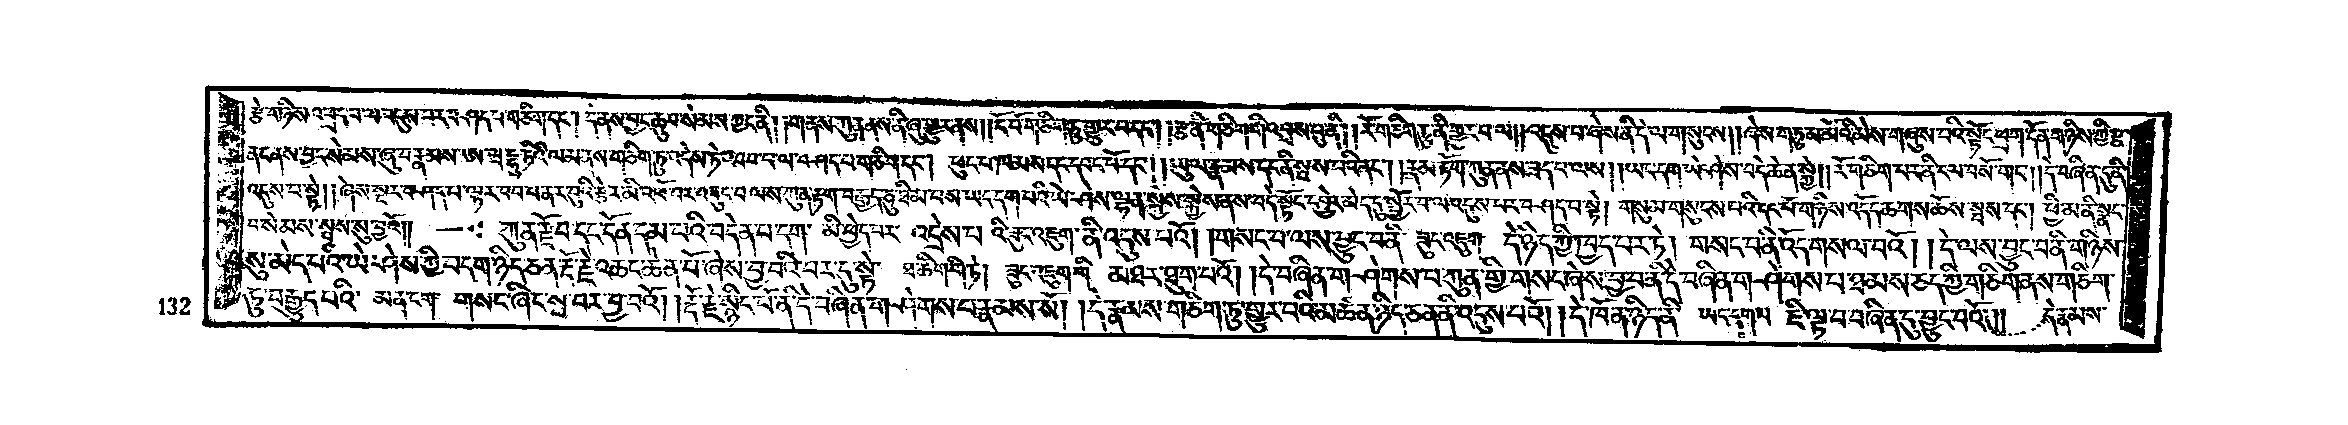རྩེ་གཉིས་འཕྲད་པ་ལ་འདུས་པར་བཤད་པ་གཅིག་དང་། དེ་ནས་བྱང་ཆུབ་སེམས་ཀྱང་ནི། །གནས་ཀུན་ནས་ནི་ཞུ་གྱུར་ནས། །ངོ་བོ་གཅིག་ཏུ་གྱུར་པ་དང་། །རྩ་ནི་གཅིག་གི་འབྲས་བུ་ནི། །རོ་གཅིག་ཏུ་ནི་གྱུར་པ་ལ། །འདུས་པ་ཞེས་ནི་དེ་ལ་གསུངས། །ཞེས་གཏུམ་མོའི་མེས་གཞུས་པའི་སྟོང་ཕྲག་དོན་གཉིས་ཀྱི་རྩ་
ནང་ནས་བྱང་སེམས་ཞུ་བ་རྣམས་ཨ་ཝ་དྷུ་ཏིའི་ལམ་ནས་གཅིག་ཏུ་འདེས་ཏེ་འབབ་པས་བཤད་པ་གཅིག་དང་། ཕུང་པོ་ཁམས་དང་དབང་པོ་དང་། །ཡུལ་རྣམས་དང་ནི་སྦས་པའི་ནང་། །རྣམ་རྟོག་ཀུན་ནས་ཟད་པ་ལས། །ཡང་དག་ཡེ་ཤེས་བདེ་ཆེན་སྐྱེ། །རོ་གཅིག་པར་ནི་ངལ་བསོ་གང་། །དེ་བཞིན་དུ་ནི་
འདུས་པ་སྟེ། །ཞེས་སྔར་བཤད་པ་ལྟར་བབ་པ་ནོར་བུའི་རྩེར་མི་འཕོ་བར་བཟུང་བ་ལས་ཀུན་རྟོག་བརྒྱད་ཅུ་ཐིམ་པས་ཡང་དག་པའི་ཡེ་ཤེས་ལྷན་སྐྱེས་སྐྱེས་ནས་བདེ་སྟོང་དབྱེར་མེད་དུ་སྦྱོར་བ་ལ་འདུས་པར་བཤད་པ་སྟེ། གསུམ་གསུངས་པའི་དང་པོ་གཉིས་འདོད་ཆགས་ཆོས་སྦས་དང་། ཕྱི་མ་ནི་སྣང་
བ་སེམས་སྦས་སུ་བྱའོ།། ཀུན་རྫོབ་དང་དོན་དམ་པའི་བདེན་པ་དག་མི་ཕྱེད་པར་འདྲེས་པའི་ཟུང་འཇུག་ནི་འདུས་པའོ། །གསང་བ་ལས་བྱུང་བ་ནི་ཟུང་འཇུག་དེ་ཉིད་ཀྱི་ཁྱད་པར་ཏེ། གསང་བ་ནི་འོད་གསལ་བའོ། །དེ་ལས་བྱུང་བ་ནི་གཉིས་
སུ་མེད་པའི་ཡེ་ཤེས་ཀྱི་བདག་ཉིད་ཅན་རྡོ་རྗེ་འཆང་ཆེན་པོ་ཞེས་བྱ་བའི་བར་དུ་སྟེ་ཐ་ཚིག་གི་ཏེ། ཟུང་འཇུག་གི་མཐར་ཐུག་པའོ། །དེ་བཞིན་གཤེགས་པ་ཀུན་གྱི་གསང་ཞེས་བྱ་བ་ནི་དེ་བཞིན་གཤེགས་པ་ཐམས་ཅད་ཀྱི་གཅིག་ནས་གཅིག་
ཏུ་བརྒྱུད་པའི་མན་ངག་གསང་ཞིང་སྦ་བར་བྱ་བའོ། །རྡོ་རྗེ་སྙིང་པོ་ནི་དེ་བཞིན་གཤེགས་པ་རྣམས་སོ། །དེ་རྣམས་གཅིག་ཏུ་གྱུར་པའི་མཚན་ཉིད་ཅན་ནི་འདུས་པའོ། །དེ་ཁོ་ན་ཉིད་ནི་ཡང་དག་པ་ཇི་ལྟ་བ་བཞིན་དུ་བྱུང་བའོ། །དེ་རྣམས་